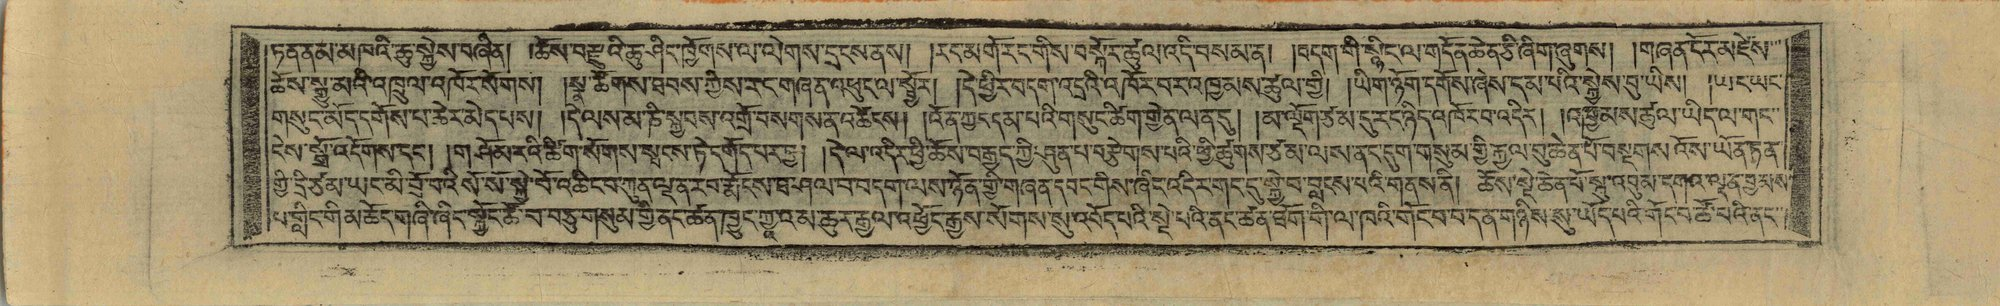ཏན་ནམ་མཁའི་ཆུ་སྐྱེས་བཞིན། །ཆོས་བརྫུའི་ཆུ་ཤིང་ཁྱོགས་ལ་ལེགས་དྲངས་ནས། །རང་མགོ་རང་གིས་བསྐོར་ཚུལ་འདི་བསམ་ན། །བདག་གི་སྙིང་ལ་གདོན་ཆེན་ཅི་ཞིག་ཞུགས། །གཞན་ངོར་མཛེས་
ཆོས་སྒྱུ་མའི་འཁྲུལ་འཁོར་སོགས། །སྣ་ཚོགས་ཐབས་ཀྱིས་རང་གཞན་འཕུང་ལ་སྦྱོར། །དེ་ཕྱིར་བདག་འདྲའི་འཁོར་བར་འཁྱམས་ཚུལ་གྱི། །ཡིག་ཉོག་དགོས་ཞེས་དམ་པའི་སྐྱེས་བུ་ཡིས། །ཡང་ཡང་
གསུང་མོད་དགོས་པ་ཆེར་མེད་པས། །དེ་ལས་མ་ཎི་སྐྱབས་འགྲོ་བསགས་ན་འཚེངས། །འོན་ཀྱང་དམ་པའི་གསུང་ཚིག་གྱེན་ལན་དུ། །མ་ལྡོག་ཙམ་དུ་རང་ཉིད་འཁོར་བ་འདིར། །འཁྱམས་ཚུལ་ཡིད་ལ་གང་
ངེས་སྒྲོ་འདོགས་དང་། །གཤོམ་རའི་ཚིག་སོགས་སྤངས་ཏེ་དགོད་པར་བྱ། །དེ་ལ་འདིར་ཕྱི་ཆོས་བརྒྱད་ཀྱི་ཤུན་པ་བརྩེགས་པའི་ཕྱི་ཚུགས་ཙམ་ལས་ནང་དུག་གསུམ་གྱི་རྐྱལ་བུ་ཆེན་པོ་བསྔགས་འོས་ཡོན་ཏན་
གྱི་དྲི་ཙམ་ཡང་མི་བྲོ་བའི་སོ་སོ་སྐྱེ་བོ་འཆིང་བ་ཀུན་ལྡན་རབ་རྨོངས་ཐ་ཤལ་བ་བདག་ལས་ཉོན་གྱི་གཞན་དབང་གིས་ཞིང་འདིར་གང་དུ་སྐྱེ་བ་བླངས་པའི་གནས་ནི། ཆོས་སྡེ་ཆེན་པོ་སྐུ་འབུམ་དགའ་ལྡན་བྱམས་
པ་གླིང་གི་མཆོད་གཞི་ཞིང་སྐྱོང་ཚེ་བ་བཅུ་གསུམ་གྱི་ནང་ཚན་ཁྱུང་ཀྱཱ་འམ་ཆུར་རྒྱལ་འཕྱོང་རྒྱས་སོགས་སུ་འབོད་པའི་སྡེ་པའི་ནང་ཚན་ཐོག་གི་ལ་ཁའི་གོང་བ་བ་དན་གཉིས་སུ་ཡོད་པའི་གོང་བ་ཚོ་བའི་ནང་